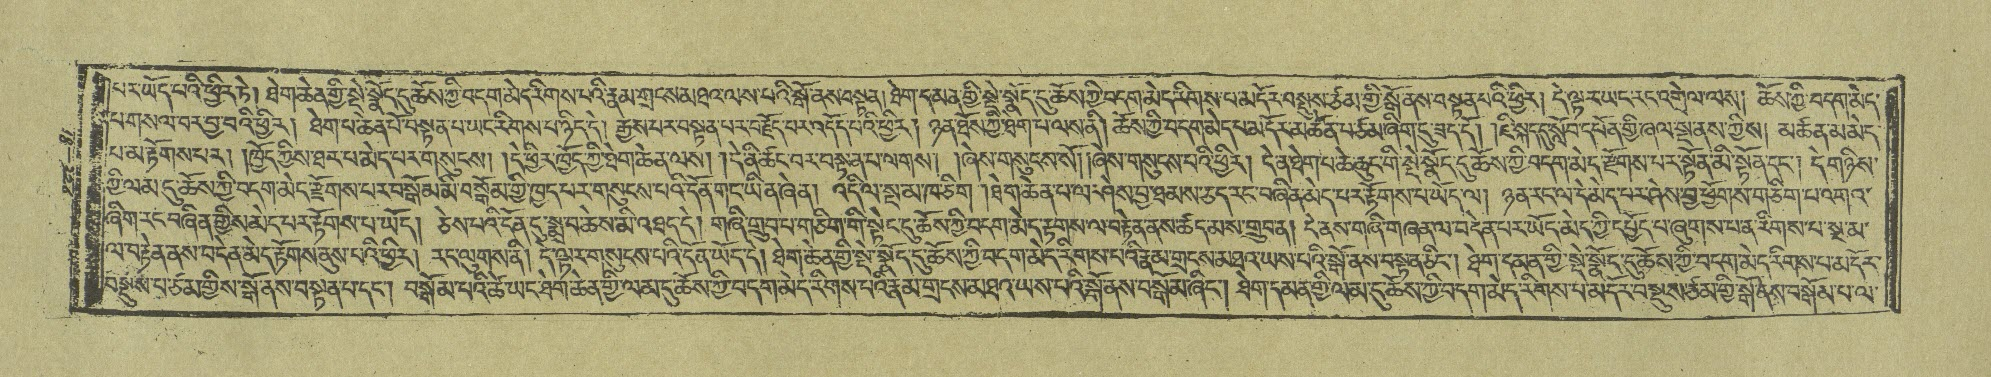པར་ཡོད་པའི་ཕྱིར་ཏེ། ཐེག་ཆེན་གྱི་སྡེ་སྣོད་དུ་ཆོས་ཀྱི་བདག་མེད་རིགས་པའི་རྣམ་གྲངས་མཐའ་ཡས་པའི་སྒོ་ནས་བསྟན། ཐེག་དམན་གྱི་སྡེ་སྣོད་དུ་ཆོས་ཀྱི་བདག་མེད་རིགས་པ་མདོར་བསྡུས་ཙམ་གྱི་སྒོ་ནས་བསྟན་པའི་ཕྱིར། དེ་ལྟར་ཡང་རང་འགྲེལ་ལས། ཆོས་ཀྱི་བདག་མེད་
པ་གསལ་བར་བྱ་བའི་ཕྱིར། ཐེག་པ་ཆེན་པོ་བསྟན་པ་ཡང་རིགས་པ་ཉིད་དེ། རྒྱས་པར་བསྟན་པར་བརྗོད་པར་འདོད་པའི་ཕྱིར། ཉན་ཐོས་ཀྱི་ཐེག་པ་ལས་ནི། ཆོས་ཀྱི་བདག་མེད་པ་མདོར་མཚོན་པ་ཙམ་ཞིག་དུ་ཟད་དོ། །ཇི་སྐད་དུ་སློབ་དཔོན་གྱི་ཞལ་སྔ་ནས་ཀྱིས། མཚན་མ་མེད་
པ་མ་རྟོགས་པར། །ཁྱོད་ཀྱིས་ཐར་པ་མེད་པར་གསུངས། །དེ་ཕྱིར་ཁྱོད་ཀྱི་ཐེག་ཆེན་ལས། །དེ་ནི་ཚང་བར་བསྟན་པ་ལགས། །ཞེས་གསུངས་སོ། །ཞེས་གསུངས་པའི་ཕྱིར། དེ་ན་ཐེག་པ་ཆེ་ཆུང་གི་སྡེ་སྣོད་དུ་ཆོས་ཀྱི་བདག་མེད་རྫོགས་པར་སྟོན་མི་སྟོན་དང་། དེ་གཉིས་
ཀྱི་ལམ་དུ་ཆོས་ཀྱི་བདག་མེད་རྫོགས་པར་བསྒོམ་མི་བསྒོམ་གྱི་ཁྱད་པར་གསུངས་པའི་དོན་གང་ཡིན་ཞེ་ན། འདི་ལ་སྔ་མ་ཁ་ཅིག །ཐེག་ཆེན་པ་ལ་ཤེས་བྱ་ཐམས་ཅད་རང་བཞིན་མེད་པར་རྟོགས་པ་ཡོད་ལ། ཉན་རང་ལ་དེ་མེད་པར་ཤེས་བྱ་ཕྱོགས་གཅིག་པ་འགའ་
ཞིག་རང་བཞིན་གྱིས་མེད་པར་རྟོགས་པ་ཡོད། །ཅེས་པའི་དོན་དུ་སྨྲ་བ་ཆེས་མི་འཐད་དེ། གཞི་གྲུབ་པ་གཅིག་གི་སྟེང་དུ་ཆོས་ཀྱི་བདག་མེད་རྟགས་ལ་བརྟེན་ནས་ཚད་མས་གྲུབ་ན། དེ་ནས་གཞི་གཞན་ལ་བདེན་པར་ཡོད་མེད་ཀྱི་དཔྱོད་པ་ཞུགས་པ་ན་རིགས་པ་སྔ་མ་
ལ་བརྟེན་ནས་བདེན་མེད་རྟོགས་ནུས་པའི་ཕྱིར། རང་ལུགས་ནི། དེ་ལྟར་གསུངས་པའི་དོན་ཡོད་དེ། ཐེག་ཆེན་གྱི་སྡེ་སྣོད་དུ་ཆོས་ཀྱི་བདག་མེད་རིགས་པའི་རྣམ་གྲངས་མཐའ་ཡས་པའི་སྒོ་ནས་བསྟན་ཅིང་། ཐེག་དམན་གྱི་སྡེ་སྣོད་དུ་ཆོས་ཀྱི་བདག་མེད་རིགས་པ་མདོར་
བསྡུས་པ་ཙམ་གྱིས་སྒོ་ནས་བསྟན་པ་དང་། བསྒོམ་པའི་ཚེ་ཡང་ཐེག་ཆེན་གྱི་ལམ་དུ་ཆོས་ཀྱི་བདག་མེད་རིགས་པའི་རྣམ་གྲངས་མཐའ་ཡས་པའི་སྒོ་ནས་བསྒོམ་ཞིང་། ཐེག་དམན་གྱི་ལམ་དུ་ཆོས་ཀྱི་བདག་མེད་རིགས་པ་མདོར་བསྡུས་ཙམ་གྱི་སྒོ་ནས་བསྒོམ་པ་ལ་